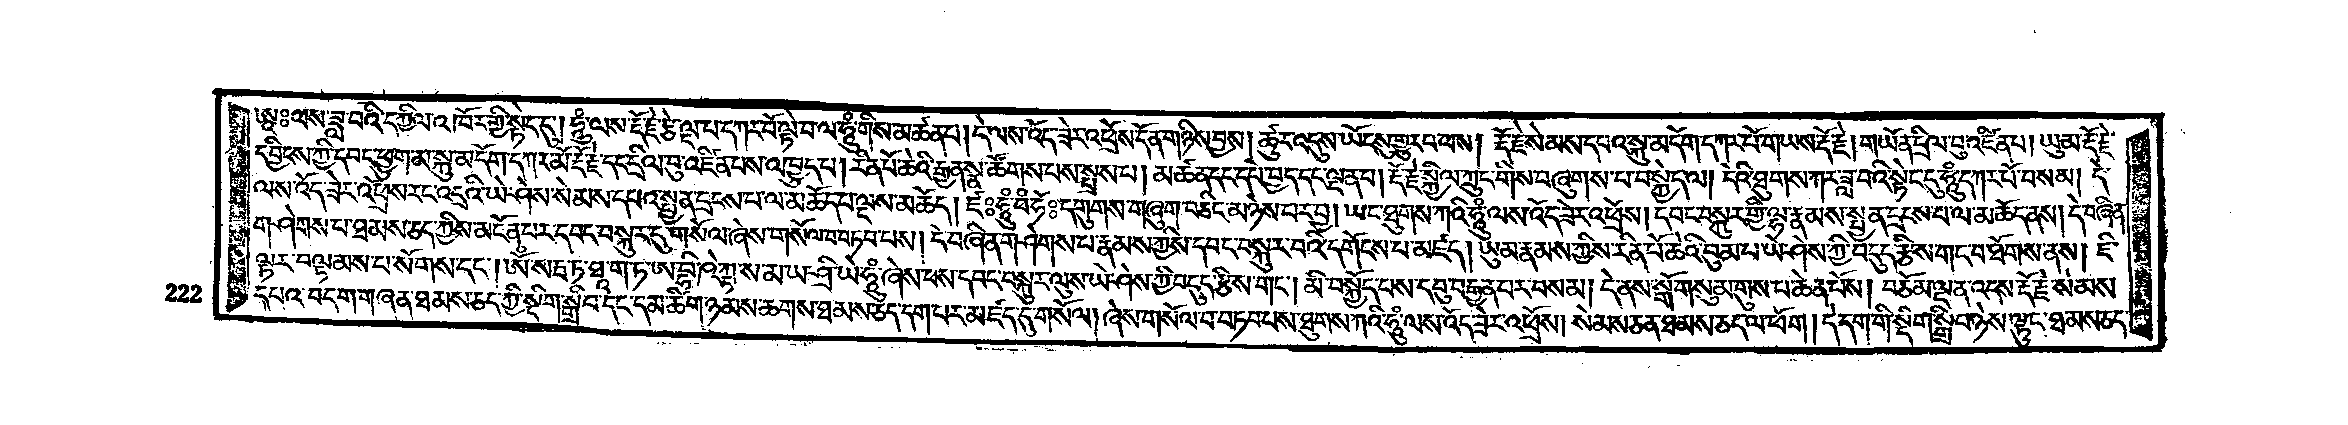ཨཱཿ ལས་ཟླ་བའི་དཀྱིལ་འཁོར་གྱི་སྟེང་དུ། ཧཱུཾ་ལས་རྡོ་རྗེ་རྩེ་ལྔ་པ་དཀར་པོ་ལྟེ་བ་ལ་ཧཱུཾ་གིས་མཚན་པ། དེ་ལས་འོད་ཟེར་འཕྲོས་དོན་གཉིས་བྱས། ཚུར་འདུས་ཡོངས་སུ་གྱུར་པ་ལས། རྡོ་རྗེ་སེམས་དཔའ་སྐུ་མདོག་དཀར་པོ་གཡས་རྡོ་རྗེ། གཡོན་དྲིལ་བུ་འཛིན་པ། ཡུམ་རྡོ་རྗེ་
དབྱིངས་ཀྱི་དབང་ཕྱུག་མ་སྐུ་མདོག་དཀར་མོ་རྡོ་རྗེ་དང་དྲིལ་བུ་འཛིན་པས་འཁྱུད་པ། རིན་པོ་ཆེའི་རྒྱན་སྣ་ཚོགས་པས་སྤྲས་པ། མཚན་དང་དཔེ་བྱད་དང་ལྡན་པ། རྡོ་རྗེ་སྐྱིལ་ཀྲུང་གིས་བཞུགས་པ་བསྐྱེད་ལ། དེའི་ཐུགས་ཀར་ཟླ་བའི་སྟེང་དུ་ཧཱུཾ་དཀར་པོ་བསམ། དེ་
ལས་འོད་ཟེར་འཕྲོས་རང་འདྲའི་ཡེ་ཤེས་སེམས་དཔའ་སྤྱན་དྲངས་པ་ལ་མཆོད་པ་ལྔས་མཆོད། ཛཿ ཧཱུཾ་བཾ་ཧོཿ དགུགས་གཞུག་བཅིང་མཉེས་པར་བྱ། ཡང་ཐུགས་ཀའི་ཧཱུཾ་ལས་འོད་ཟེར་འཕྲོས། དབང་བསྐུར་གྱི་ལྷ་རྣམས་སྤྱན་དྲངས་པ་ལ་མཆོད་ནས། དེ་བཞིན་
གཤེགས་པ་ཐམས་ཅད་ཀྱིས་མངོན་པར་དབང་བསྐུར་དུ་གསོལ་ཞེས་གསོལ་བ་བཏབ་པས། དེ་བཞིན་གཤེགས་པ་རྣམས་ཀྱིས་དབང་བསྐུར་བའི་དགོངས་པ་མཛད། ཡུམ་རྣམས་ཀྱིས་རིན་པོ་ཆེའི་བུམ་པ་ཡེ་ཤེས་ཀྱི་བདུད་རྩིས་གང་བ་ཐོགས་ནས། ཇི་
ལྟར་བལྟམས་པ་སོགས་དང་། ཨོཾ་སརྦ་ཏ་ཐཱ་ག་ཏ་ཨ་བྷི་ཥེ་ཀྟ་ས་མ་ཡ་ཤྲི་ཡེ་ཧཱུཾ་ཞེས་པས་དབང་བསྐུར་ལུས་ཡེ་ཤེས་ཀྱི་བདུད་རྩིས་གང་། མི་བསྐྱོད་པས་དབུ་བརྒྱན་པར་བསམ། དེ་ནས་སྒོ་གསུམ་གུས་པ་ཆེན་པོས། བཅོམ་ལྡན་འདས་རྡོ་རྗེ་སེམས་
དཔའ་བདག་གཞན་ཐམས་ཅད་ཀྱི་སྡིག་སྒྲིབ་དང་དམ་ཚིག་ཉམས་ཆགས་ཐམས་ཅད་དག་པར་མཛད་དུ་གསོལ། ཞེས་གསོལ་བ་བཏབ་པས་ཐུགས་ཀའི་ཧཱུཾ་ལས་འོད་ཟེར་འཕྲོས། སེམས་ཅན་ཐམས་ཅད་ལ་ཕོག །དེ་དག་གི་སྡིག་སྒྲིབ་ཉེས་ལྟུང་ཐམས་ཅད་